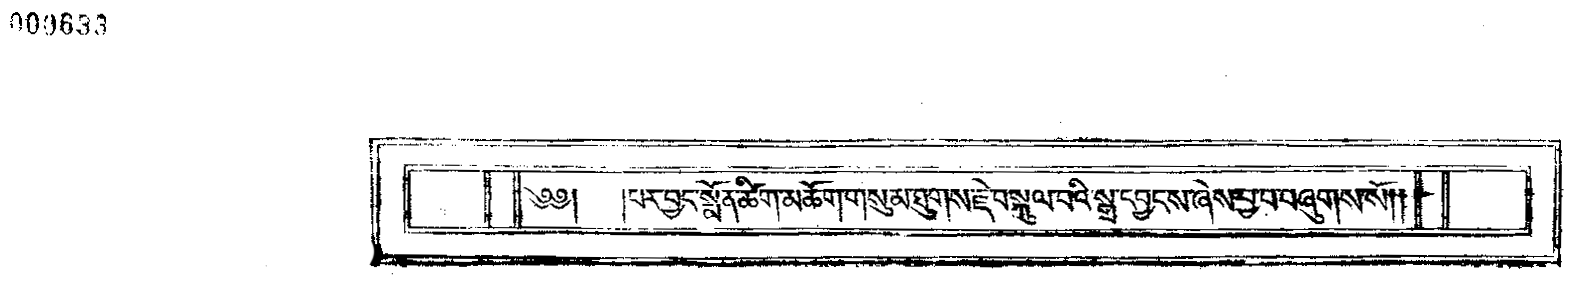༄༅། །པར་བྱང་སྨོན་ཚིག་མཆོག་གསུམ་ཐུགས་རྗེ་བསྐུལ་བའི་སྒྲ་དབྱངས་ཞེས་བྱ་བ་བཞུགས་སོ། །